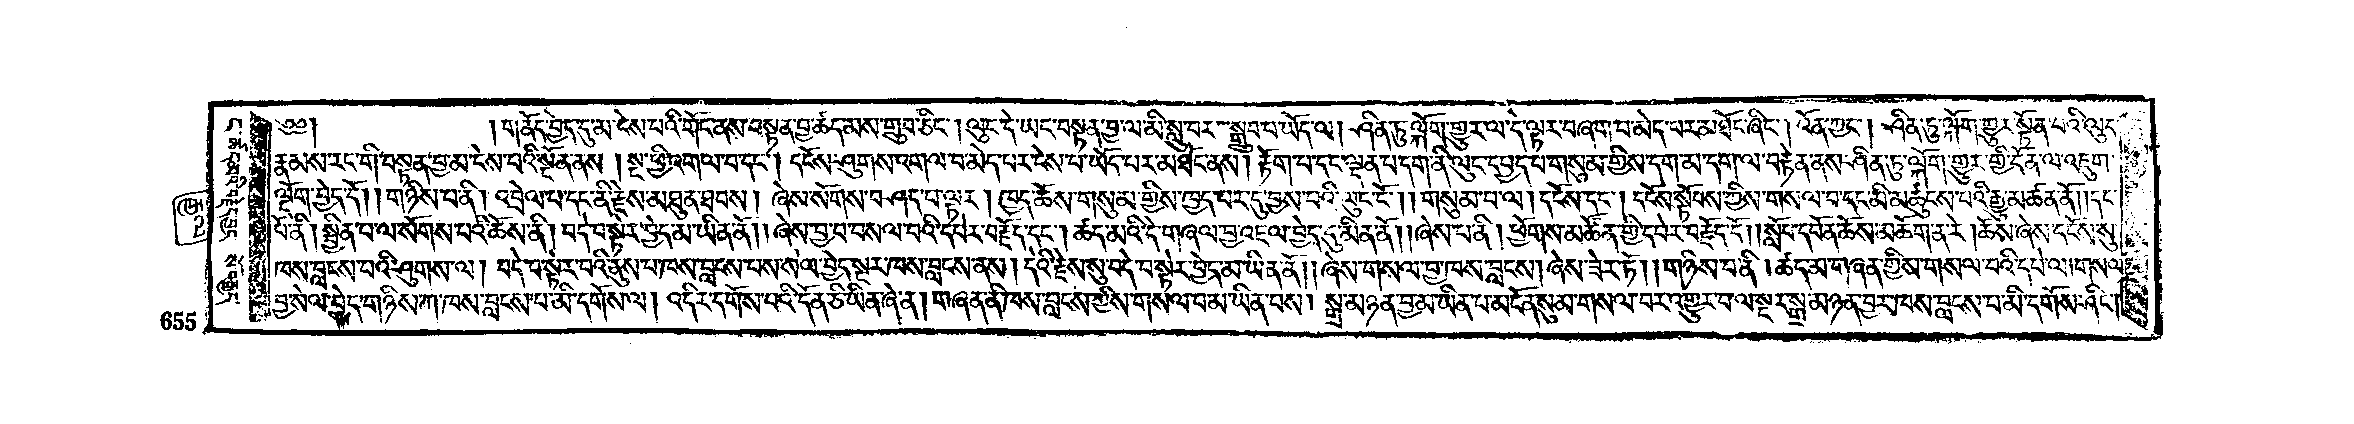༄༅། །གནོད་བྱེད་དུ་མ་ངེས་པའི་གོང་ནས་བསྟན་བྱ་ཚད་མས་གྲུབ་ཅིང་། ལུང་དེ་ཡང་བསྟན་བྱ་ལ་མི་སླུ་བར་སྒྲུབ་པ་ཡོད་ལ། ཤིན་ཏུ་ལྐོག་གྱུར་ལ་དེ་ལྟར་བཞག་པ་མེད་པར་མཐོང་ཞིང་། འོན་ཀྱང་། ཤིན་ཏུ་ལྐོག་གྱུར་སྟོན་པའི་ལུང་
རྣམས་རང་གི་བསྟན་བྱ་མ་ངེས་པའི་སྔོན་ནས། སྔ་ཕྱི་འགལ་བ་དང་། དངོས་ཤུགས་འགལ་བ་མེད་པར་ངེས་པ་ཡོད་པར་མཐོང་ནས། རྟོག་པ་དང་ལྡན་པ་དག་ནི་ལུང་དཔྱད་པ་གསུམ་གྱིས་དག་མ་དག་ལ་བརྟེན་ནས་ཤིན་ཏུ་ལྐོག་གྱུར་གྱི་དོན་ལ་འཇུག་
ལྡོག་བྱེད་དོ། །གཉིས་པ་ནི། འབྲེལ་པ་དང་ནི་རྗེས་མཐུན་ཐབས། ཞེས་སོགས་བཤད་པ་ལྟར། ཁྱད་ཆོས་གསུམ་གྱིས་ཁྱད་པར་དུ་བྱས་པའི་ལུང་ངོ། །གསུམ་པ་ལ། དངོས་དང་། དངོས་སྟོབས་ཀྱིས་གསལ་བ་དང་མི་མཚུངས་པའི་རྒྱུ་མཚན་ནོ། །དང་
པོ་ནི། སྦྱིན་པ་ལ་སོགས་པའི་ཆོས་ནི། བདེ་བ་སྟེར་བྱེད་མ་ཡིན་ནོ། །ཞེས་བྱ་བ་བསལ་བའི་དཔེར་བརྗོད་དང་། ཚད་མའི་དེ་གཞལ་བྱ་འཇལ་བྱེད་དུ་མིན་ནོ། །ཞེས་པ་ནི། ཕྱོགས་མཚོན་གྱི་དཔེར་བརྗོད་དོ། །སློབ་དཔོན་ཆོས་མཆོག་ན་རེ། ཆོས་ཞེས་དངོས་སུ་
ཁས་བླངས་པའི་ཤུགས་ལ། བདེ་བ་སྟེར་པའི་ནུས་པ་ཁས་བླངས་པས་སེལ་བྱེད་སྔར་ཁས་བླངས་ནས། དེའི་རྗེས་སུ་བདེ་བ་སྟེར་བྱེད་མ་ཡིན་ནོ། །ཞེས་གསལ་བྱ་ཁས་བླངས། ཞེས་ཟེར་ཏོ། །གཉིས་པ་ནི། ཚད་མ་གཞན་གྱིས་གསལ་བའི་དཔེ་ལ་གསལ་
བྱ་སེལ་བྱེད་གཉིས་ཀ་ཁས་བླངས་པ་མི་དགོས་ལ། འདིར་དགོས་པའི་དོན་ཅི་ཡིན་ཞེ་ན། གཞན་ནི་ཁས་བླངས་ཀྱིས་གསལ་བ་མ་ཡིན་པས། སྒྲ་མཉན་བྱ་མ་ཡིན་པ་མངོན་སུམ་གསལ་བར་འགྱུར་བ་ལ་སྔར་སྒྲ་མཉན་བྱར་ཁས་བླངས་པ་མི་དགོས་ཤིང་